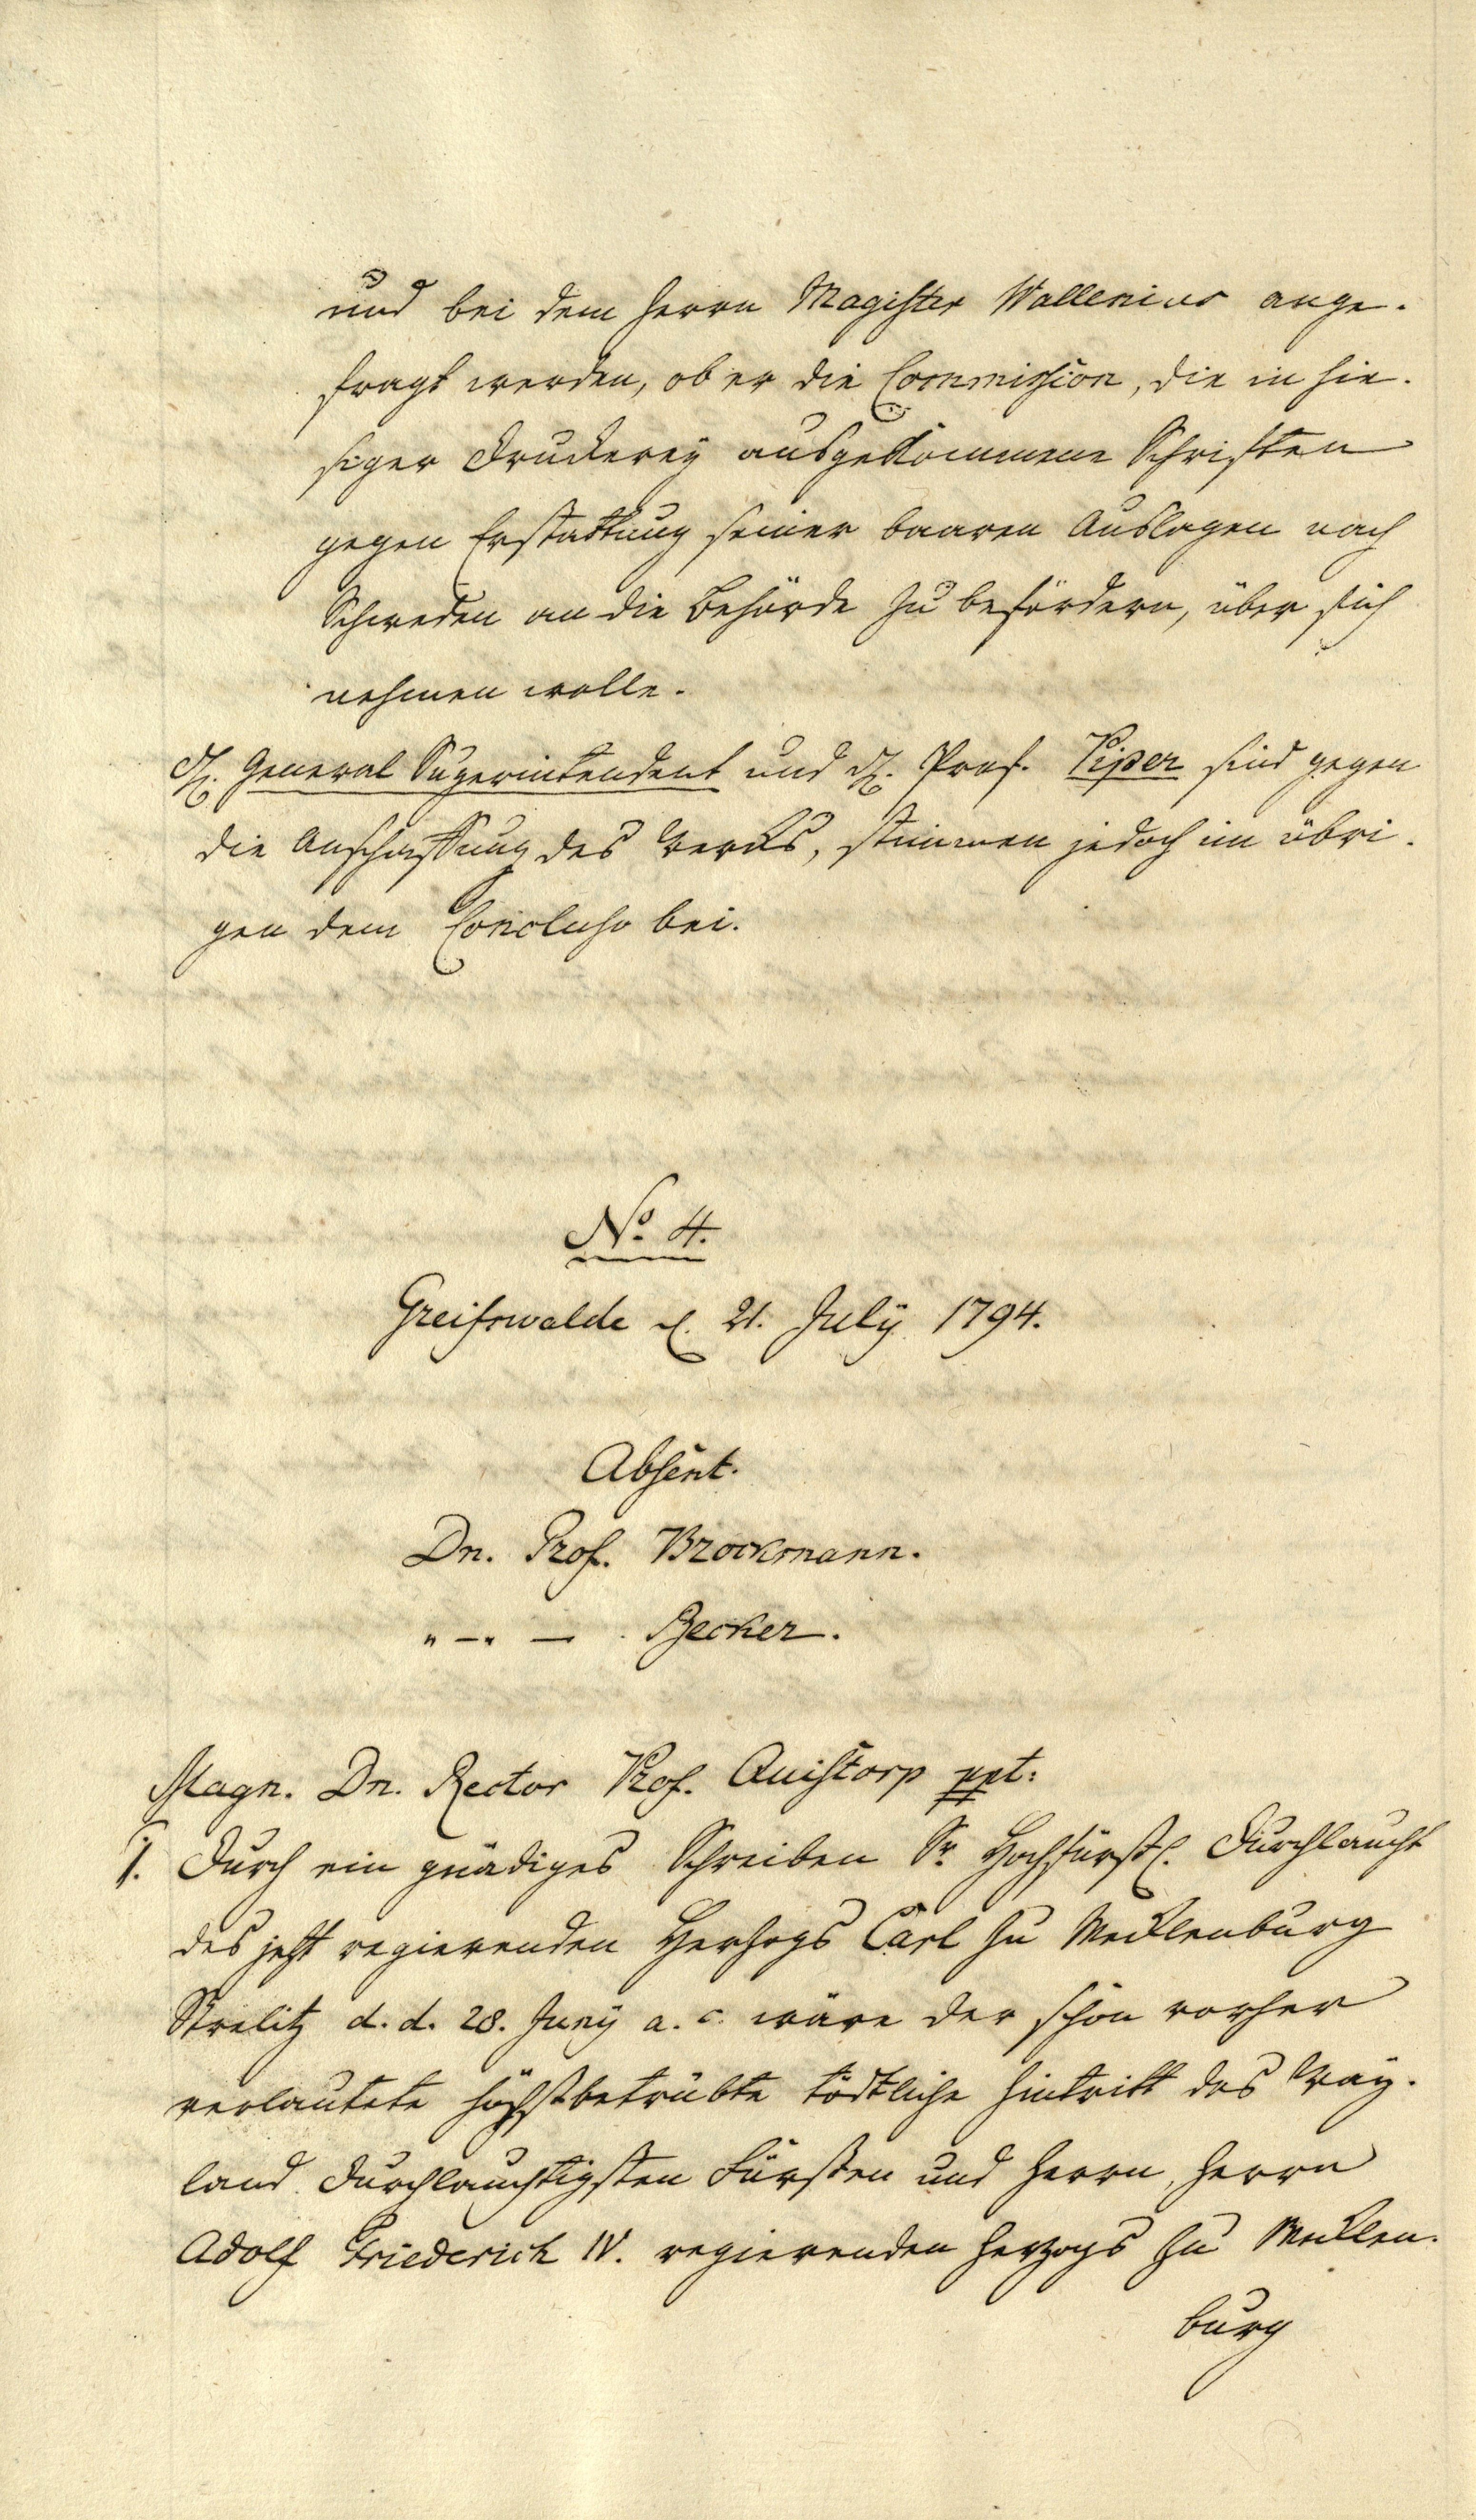und bei dem Herrn Magister Wallenius ange-
fragt werden, ob er die Commission, die in hie-
siger Druckerey ausgekommenen Schriften
gegen Erstattung seiner baaren Auslagen nach
Schweden an die Behörde zu befördern, über sich
nehmen wolle.
dh. General Superintendent und dh. Prof. Piper sind gegen
die Anschaffung des Werks, stimmen jedoch im übri-
gen dem Concluso bei.
No 4.
Greifswalde d. 21. July 1794
Absent.
Dn. Prof. Brockmann.
" - " - . Becker.
Magn. Dn. Rector Prof. Quistorp ppt:
1. Durch ein gnädiges Schreiben Sr. Hochfürstl. Durchlaucht
des jetzt regierenden Herzogs Carl zu Mecklenburg
Strelitz d. d. 28. Juny a. c. wäre der schon vorher
verlautete höchstbetrübte tödtliche Hintritt des Wey-
land durchlauchtigsten Fürsten und Herrn, Herrn
Adolf Friederich IV. regierenden herzogs zu Meklen-
burg